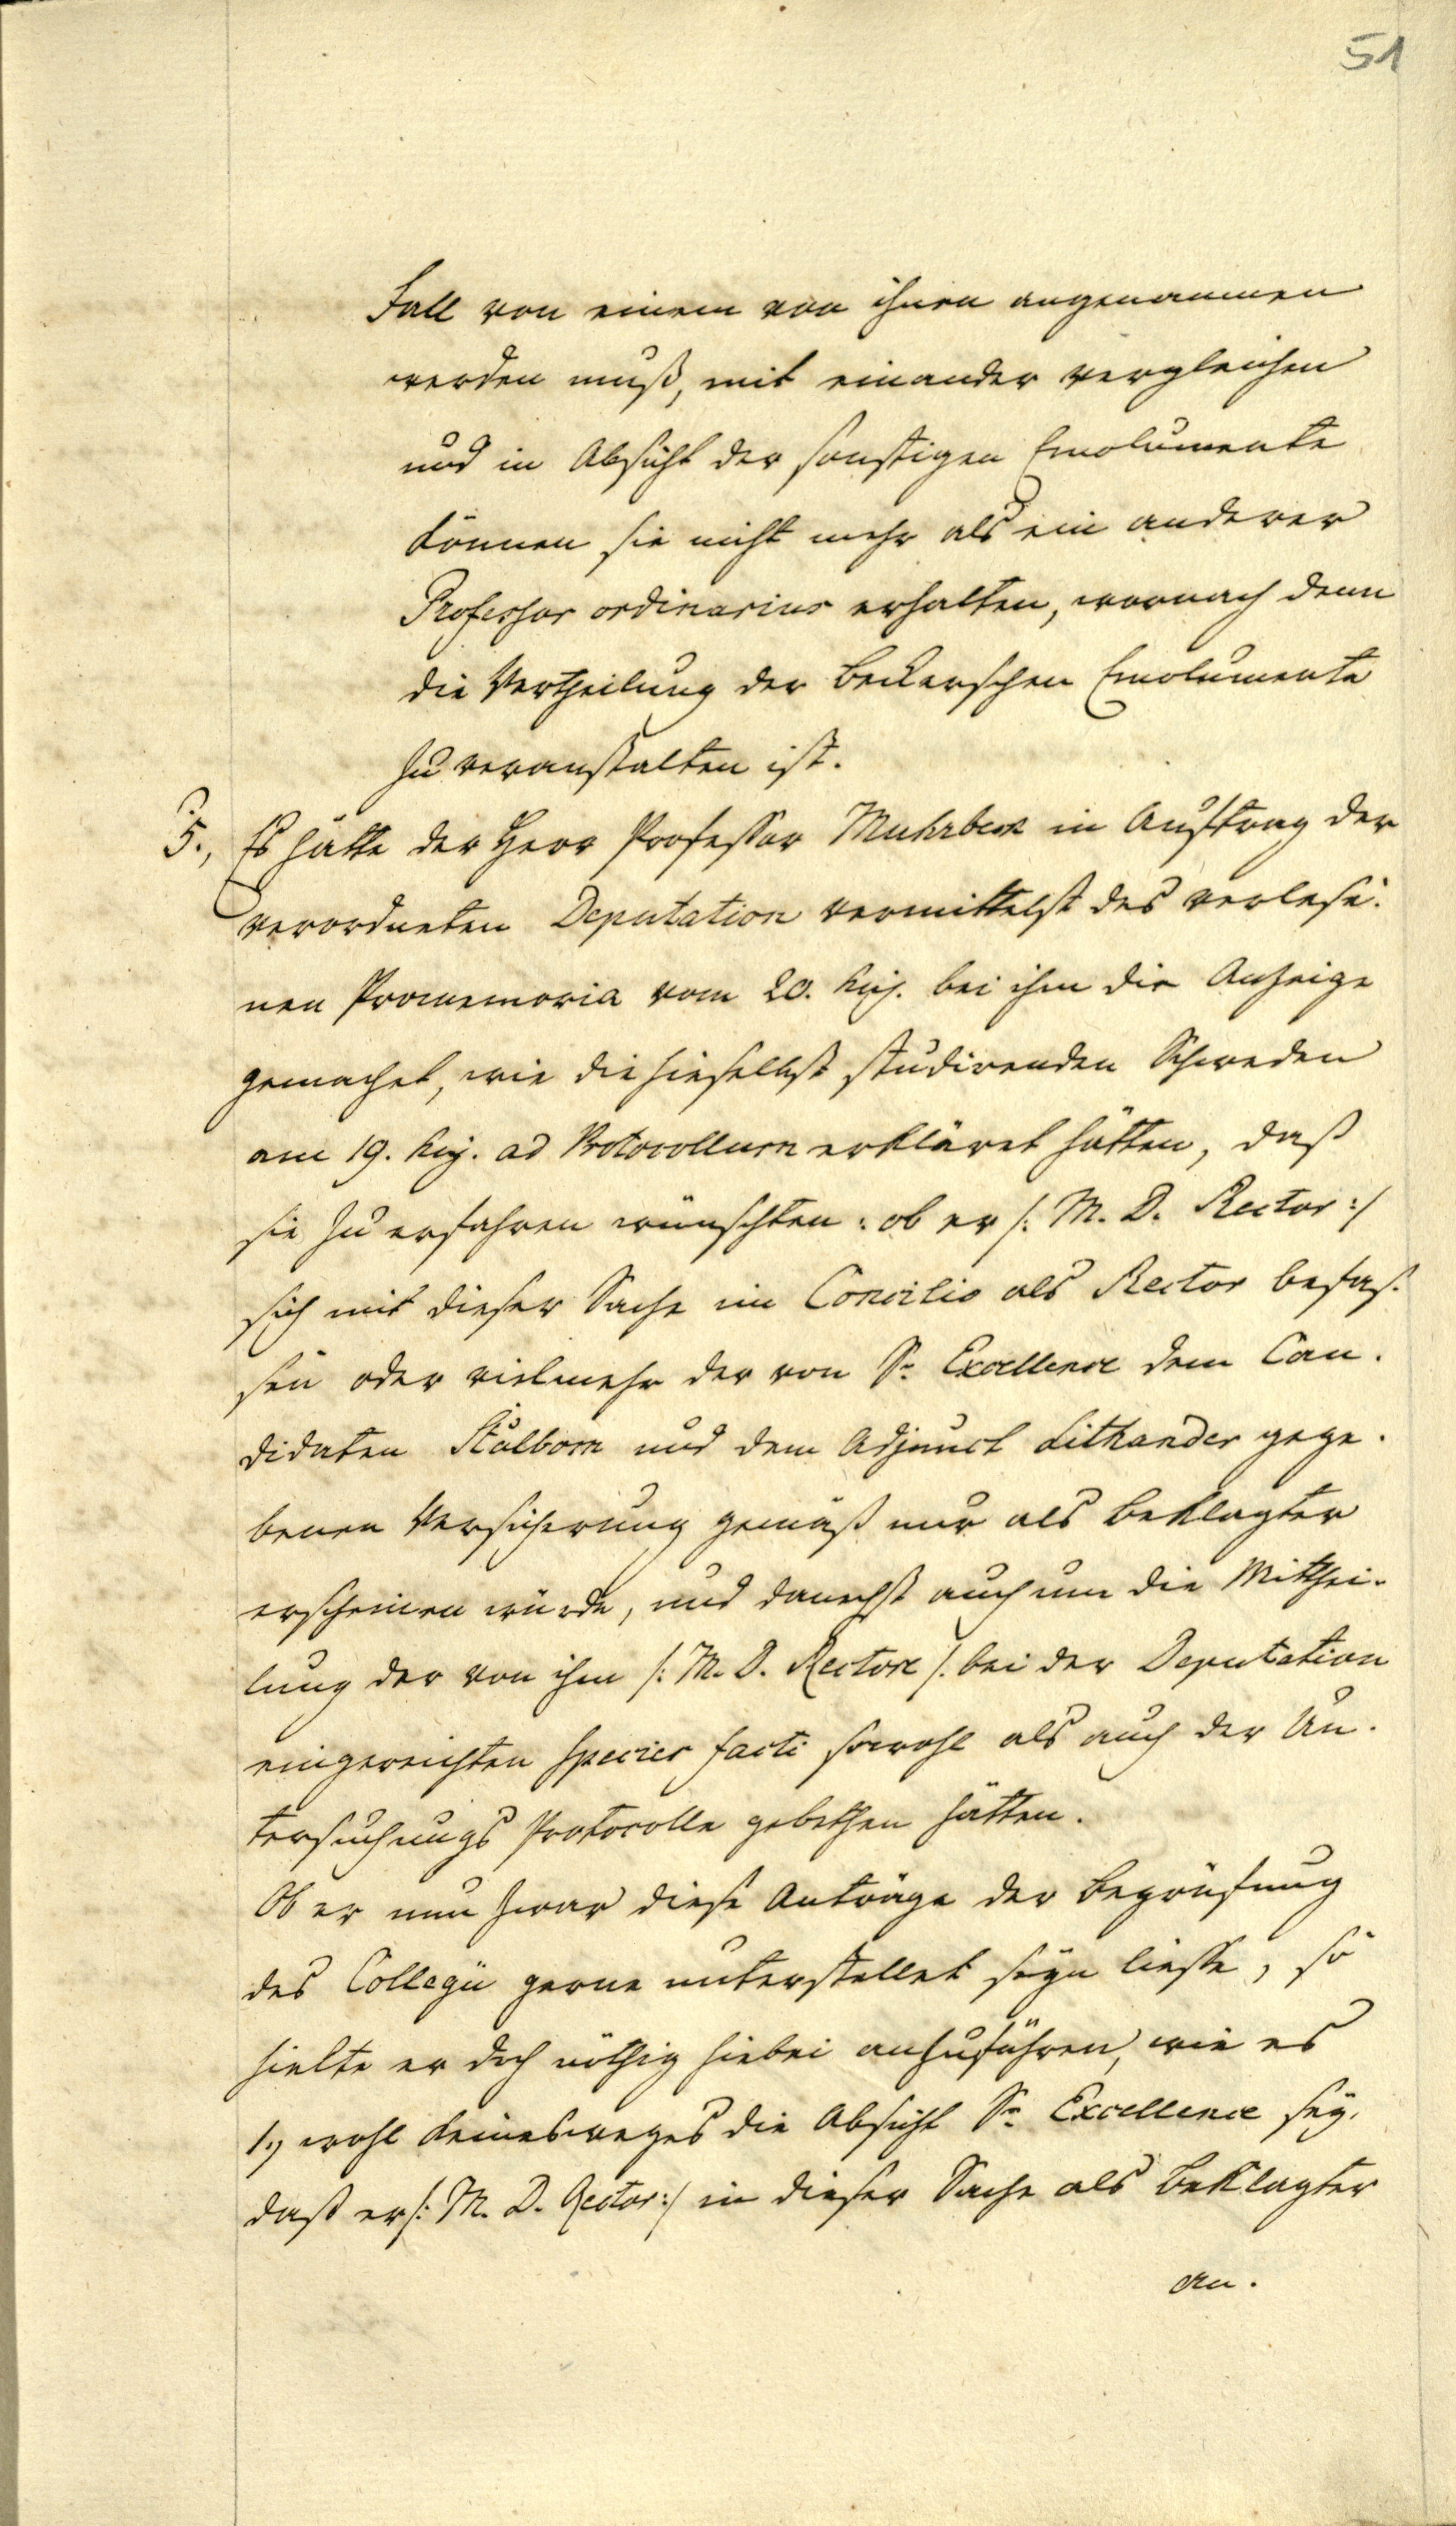Fall von einem von ihnen angenommen
werden muß, mit einander vergleichen
und in Absicht der sonstigen Emolumente
können sie nicht mehr als ein anderer
Professor ondinarius erhalten, wornach denn
die Vertheilung der Beckerschen Emolumente
zu veranstalten ist.
5., Es hätte der Herr Professor Muhrbeck in Auftrag der
verordneten Deputation vermittelst des verlese¬
nen Promemoria vom 20. huj. bei ihm die Anzeige
gemachet, wie die hieselbst studirenden Schweden
am 19. huj. ad Protocollum erkläret hätten, daß
sie zu erfahren wünschten: ob er /.M. D. Rector:/
sich mit dieser Sache im Concilio als Rector befas¬
sen der vielmehr der von Sr. Excellence dem Can¬
didaten Stålbom und dem Adjunct Lithander gege¬
benen Versicherung gemäß nur als Beklagter
erscheinen würde, und danechst auch um die Mitthei¬
lung der von ihm /:. M. D. Rectore /bei der Deputation
eingereichten species facti sowohl als auch der Un¬
tersuchungs Protocolle gebethen hätten.
Ob er nun zwar diese Anträge der Beprüfung
des Collegii gerne unterstellet seÿn liesse, so
hielte er doch nöthig hiebei anzuführen, wie es
1., wohl keinesweges die Absicht Sr Excellence seÿ,
daß er /:M. D. Rector:/ in dieser Sache als Beklagter
an.